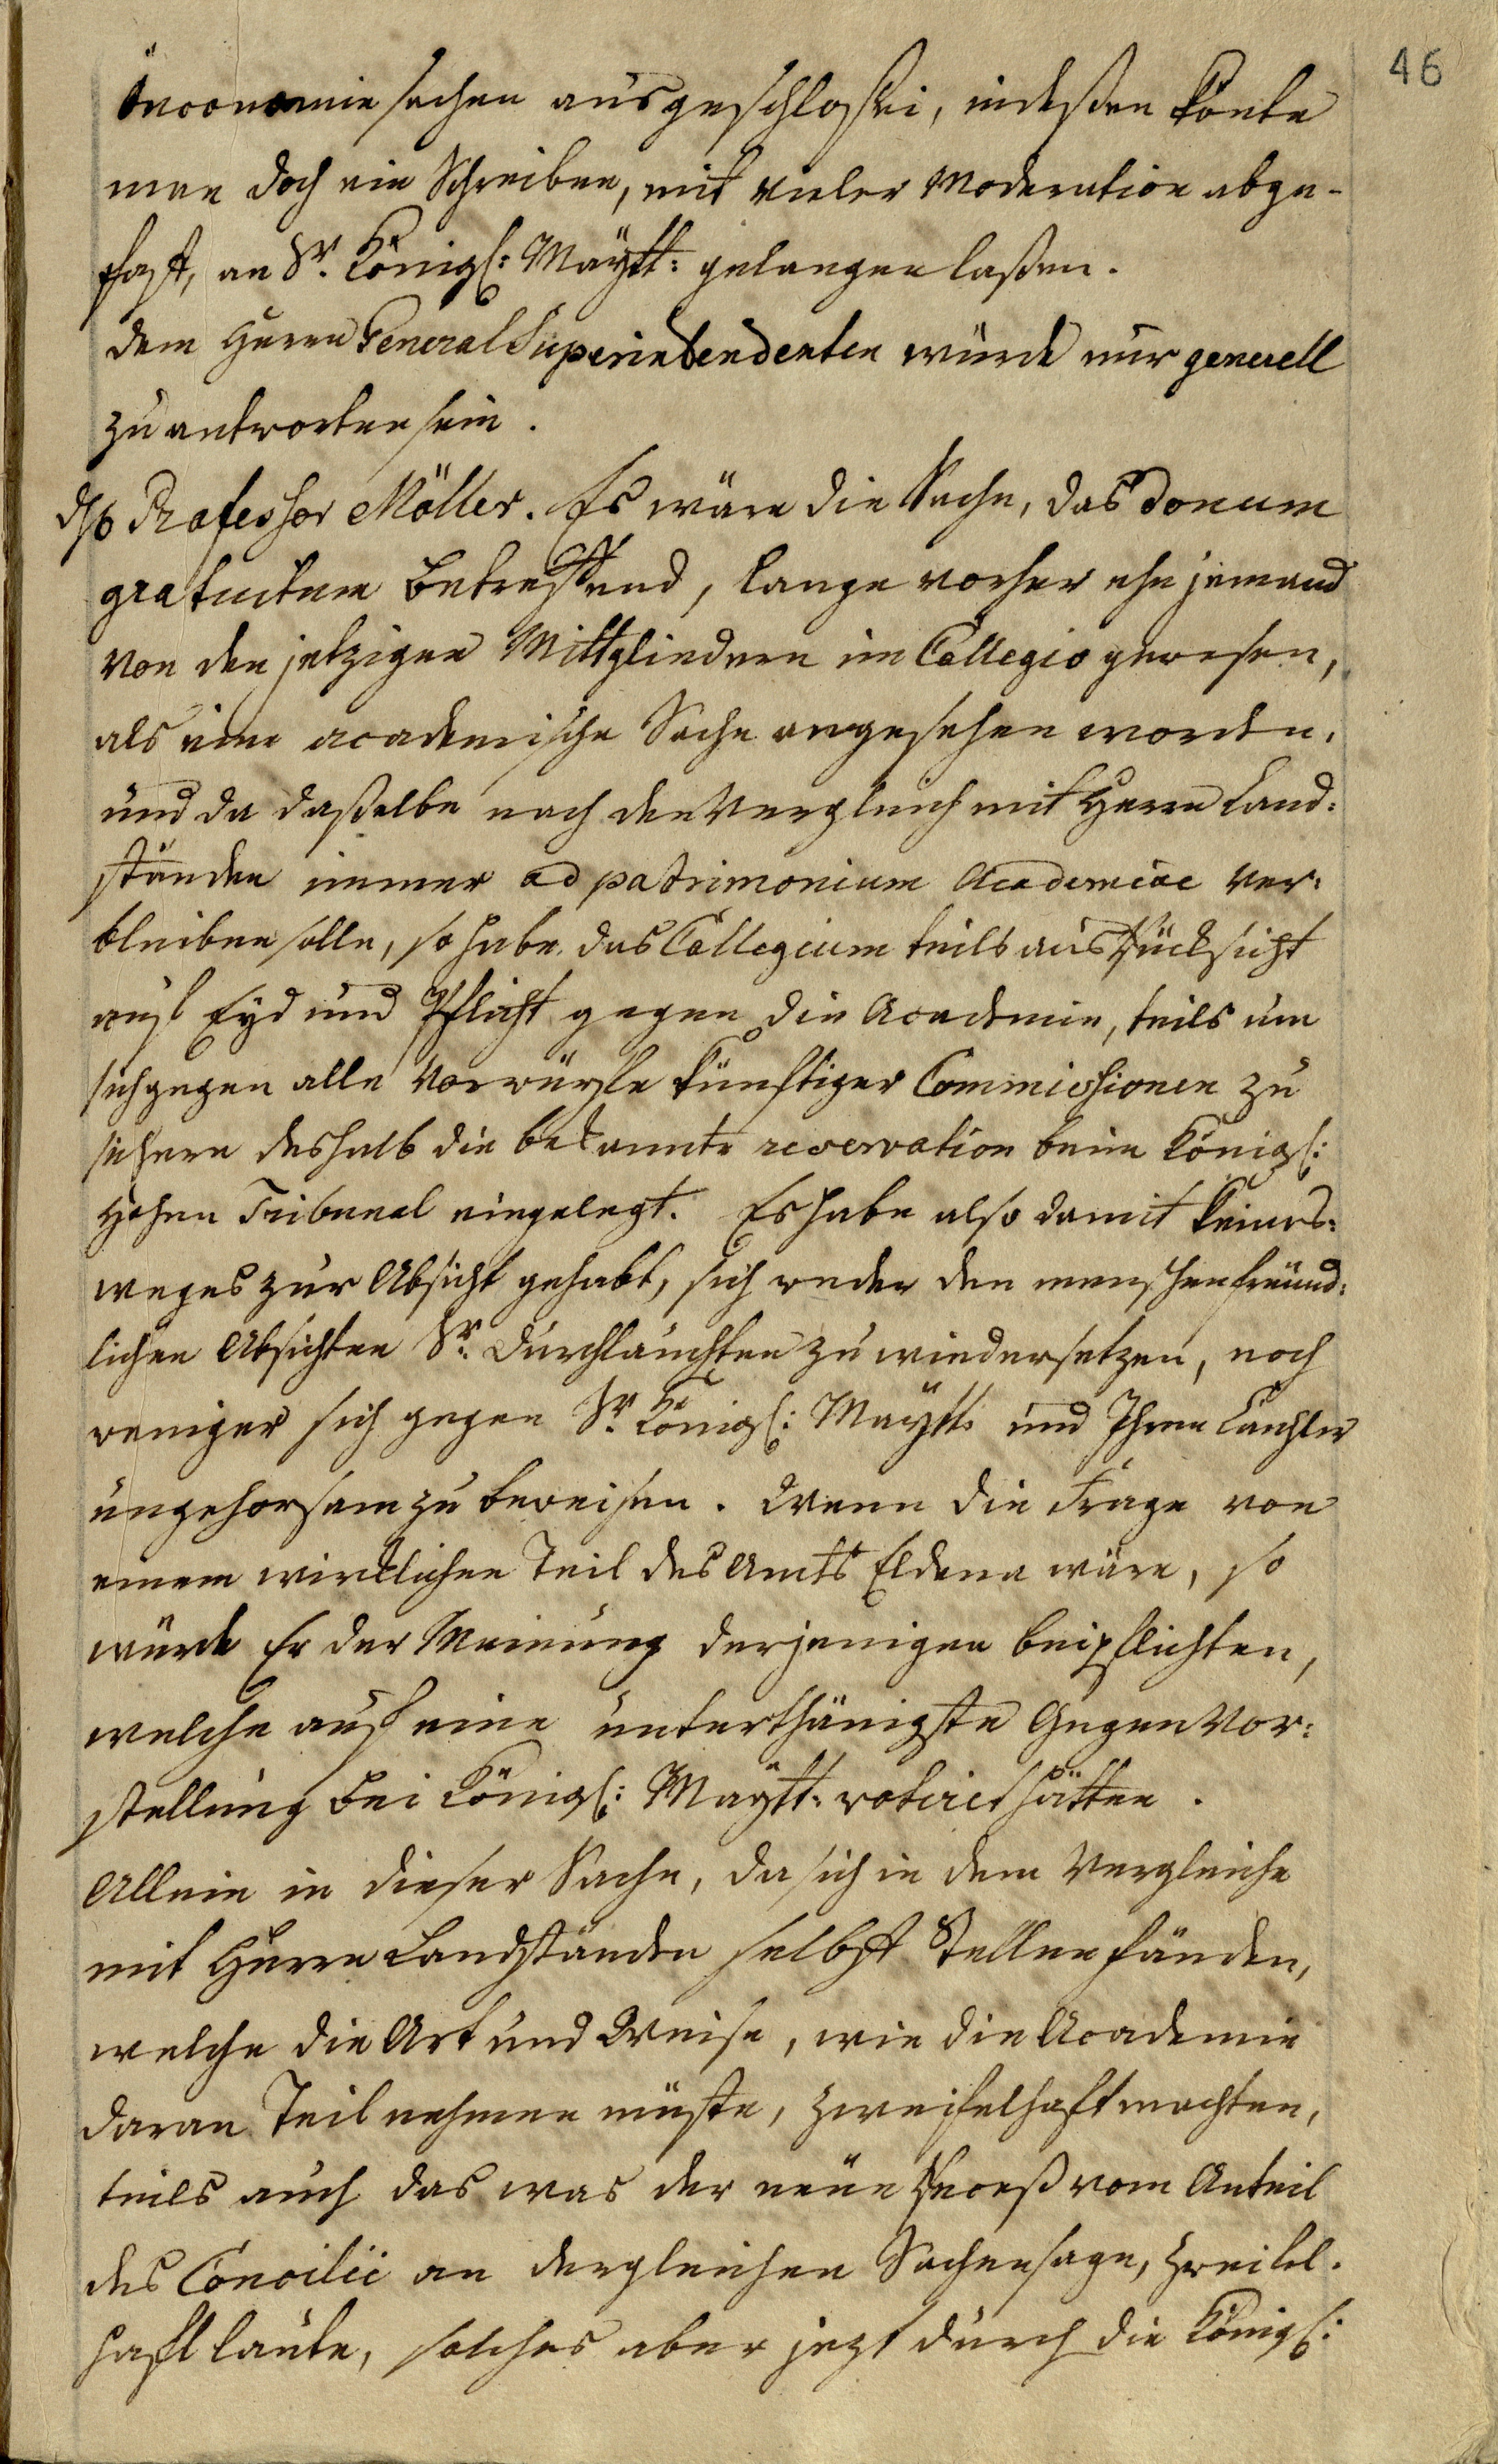Oeconomie sachen ausgeschloßen, indeßen könte
man doch ein Schreiben, mit vieler Moderation abge¬
fast, an Sr. Königl. Maÿtt. gelangen laßen.
dem Herrn GeneralSuperintendenten würde nur generell
zu antworten sein.
dh Professor Möller. Es wäre die Sache, das donum
gratuitum betreffend, lange vorher ehe jemand
von den jetzigen Mittgliedern im Collegio gewesen,
als eine academische Sache angesehen worden,
und da daßelbe nach den Vergleich mit Herrn Land¬
ständen immer ad patrimonium Academiae ver¬
bleiben solle, so habe das Collegium teils aus Rücksicht
auf Eÿd und Pflicht gegen die Academie, teils um
sich gegen alle Vorwürfe künftiger Commissionen zu
sichern deshalb die bekannte reservation beim Königl.
Hohen Tribunal eingelegt. Es habe also damit keines¬
weges zur Absicht gehabt, sich weder den menschenfreund¬
lichen Absichten Sr Durchlauchten zu wiedersetzen, noch
weniger sich gegen Sr Königl. Maÿtt. und Ihren Canzler
angehorsam zu beweisen. Wenn die Frage von
einem wirklichen Teil des Amts Eldena wäre, so
würde Er der Meinung derjenigen beipflichten,
welche auf eine unterthänigste Gegenvor¬
stellung bei Königl. Maÿtt. votiret hätten.
Allein in dieser Sache, da ich in dem Vergleiche
mit Herrn Landständen selbst Stellen fänden,
welche die Art und Weise, wie die Academie
daran Teil nehmen müßte, zweitelhaft machten,
teils auch das was der neue Receß vom Anteil
des Concilii an dergleichen Sachen sage, Zweifel¬
haft laute, solches aber jezt durch die Königl.